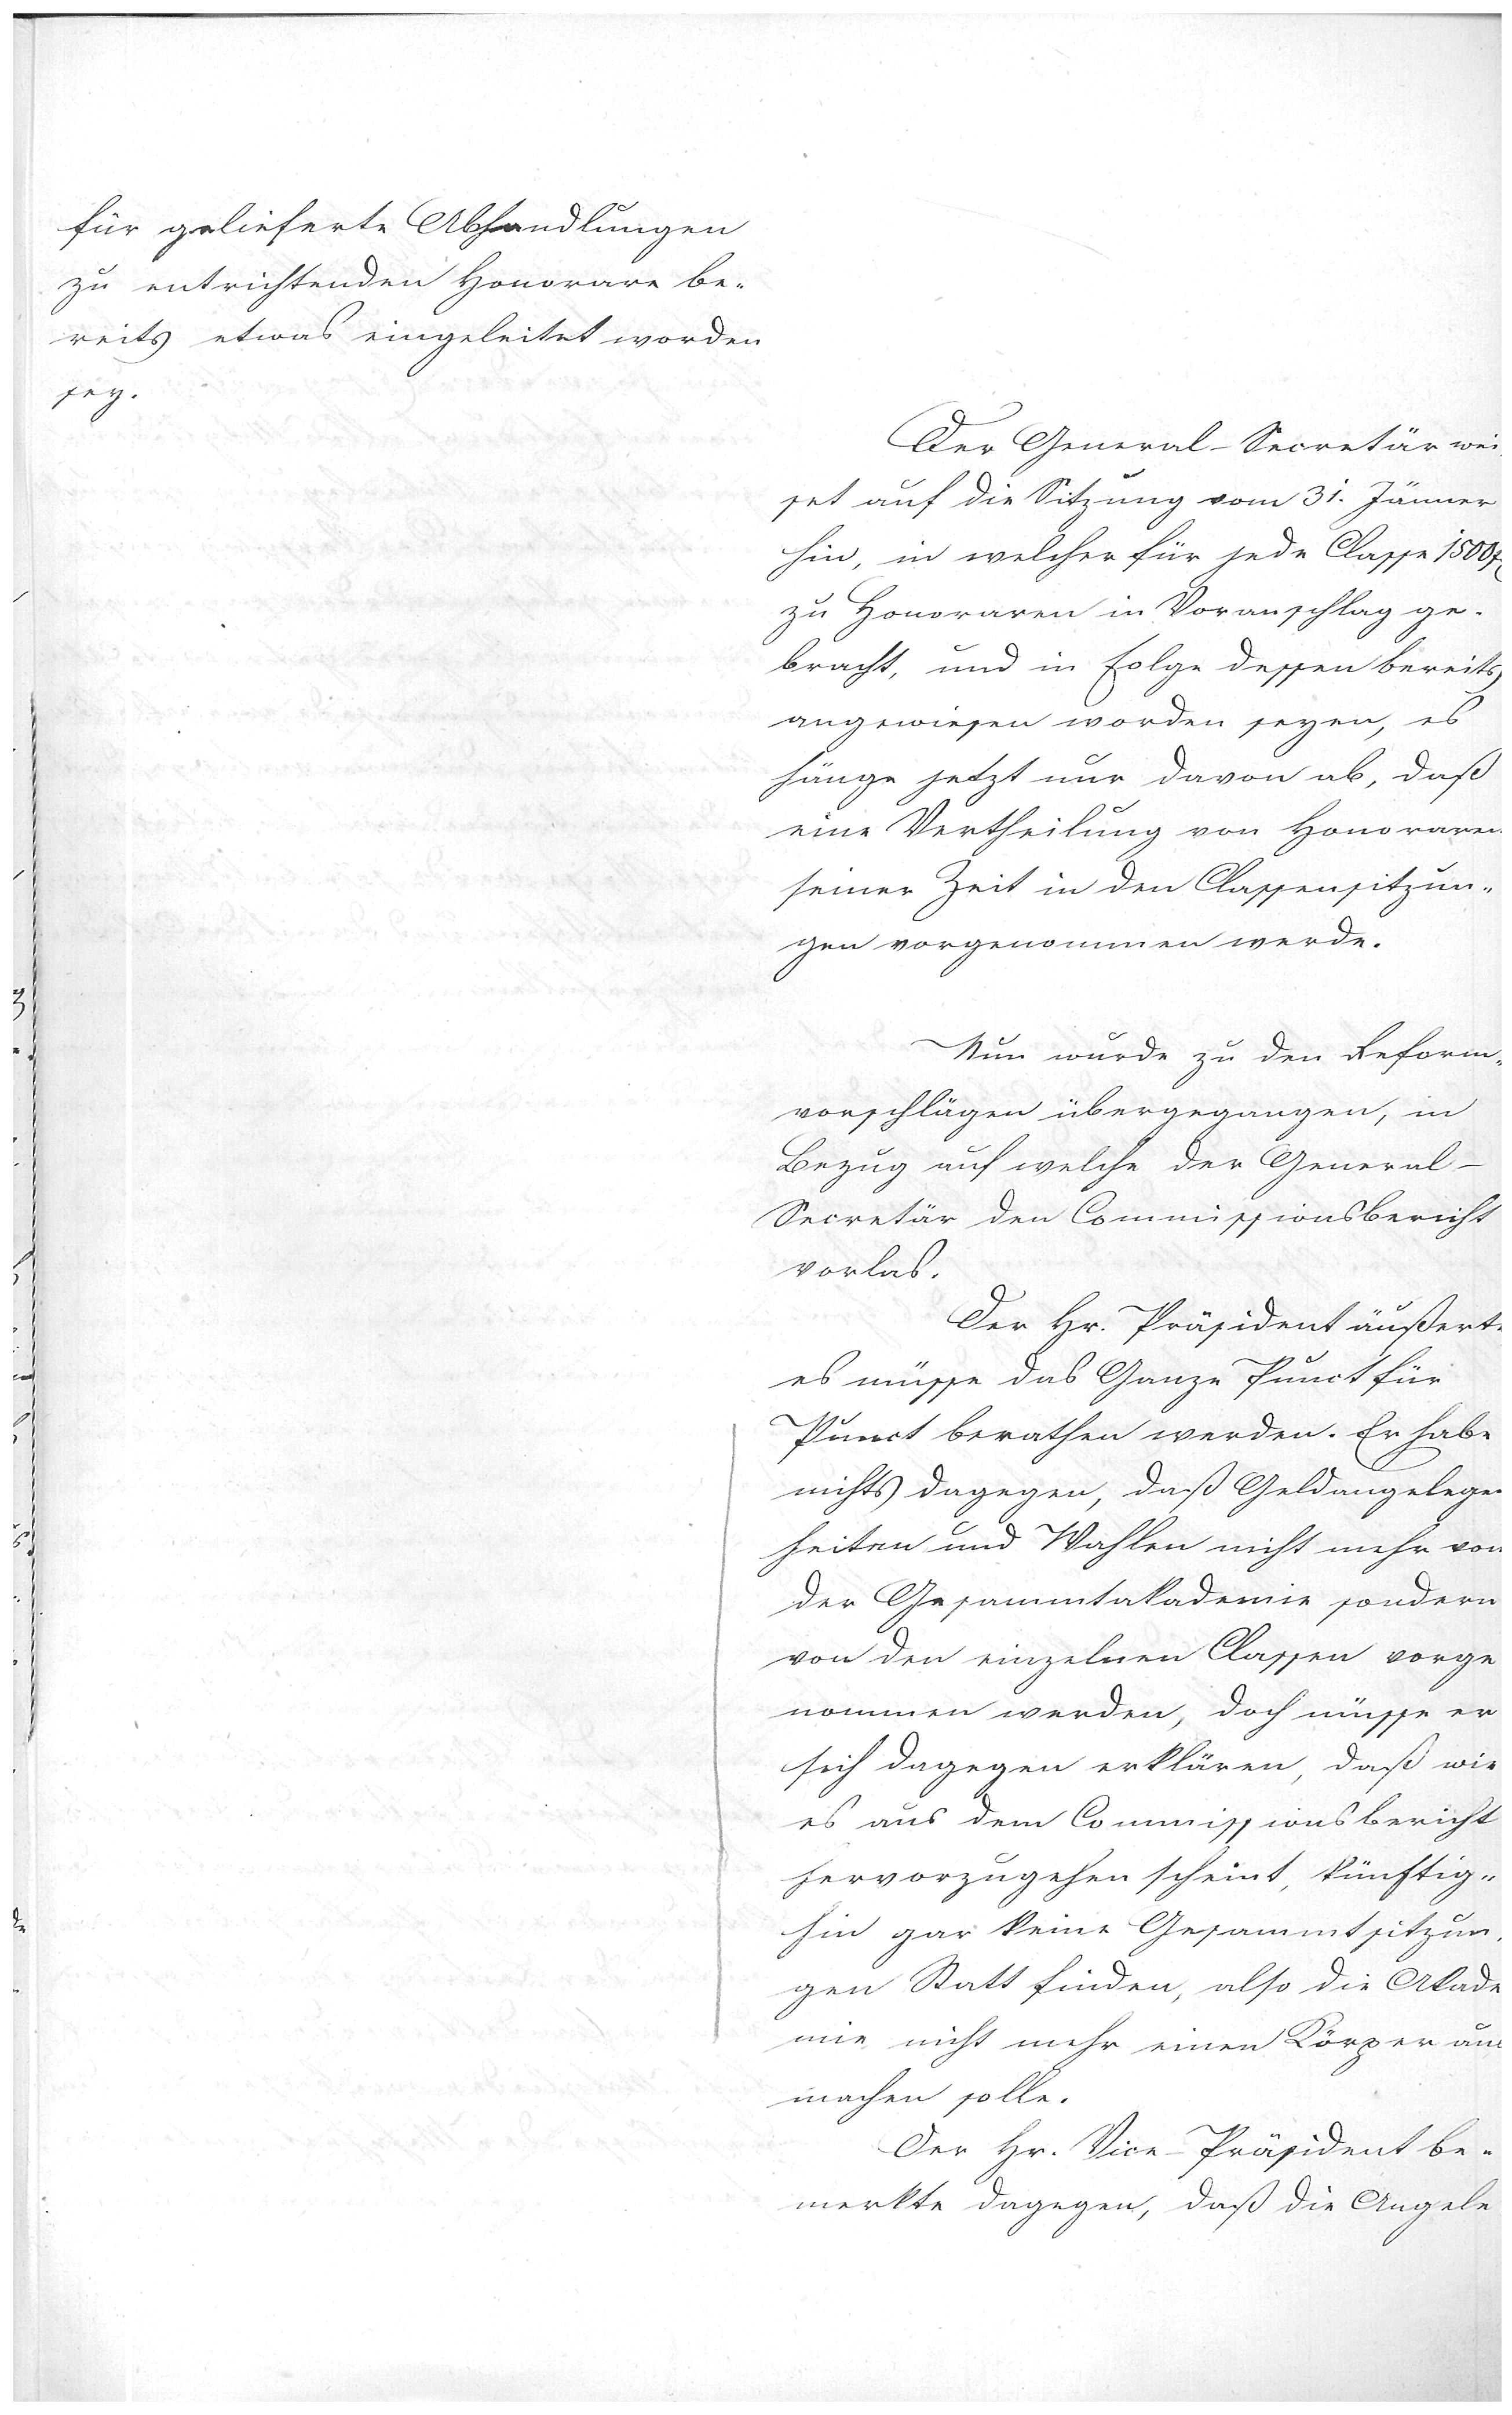für gelieferte Abhandlungen
zu entrichtenden Honorare be-
reits etwas eingeleitet worden
sey.
Der General-Secretär wei-
set auf die Sitzung vom 31. Jänner
hin, in welcher für jede Classe 1500 fl
zu Honoraren in Voranschlag ge-
bracht, und in Folge dessen bereits
angewiesen worden seyen, es
hänge jetzt nur davon ab, daß
eine Vertheilung von Honoraren
seiner Zeit in den Classensitzun-
den vorgenommen werde.
Nun wurde zu den Reform-
vorschlägen übergeangen, in
Bezug auf welche der General-
Secretär den Commissionsbericht
vorlas.
Die Hr. Präsident äußerte
es müsse das Ganzen Punct für
Punct berathen werden. Er habe
nichts dagegen daß Geldangelegen-
heiten und Wahlen nicht mehr von
der Gesammtakademie sondern
von den einzelnen Classen vorge-
nommen wenden, doch müsse er
sich dagegen erklären, daß wie
es aus dem Commissonsbericht
hervorzugehen scheint, künftig-
hin gar keine Gesammtsitzun-
gen Statt finden, also die Akade-
mie nicht mehr einen Körper aus-
machen solle.
Der Hr. Vice-Präsident be-
merkt dagegen, daß die Angabe